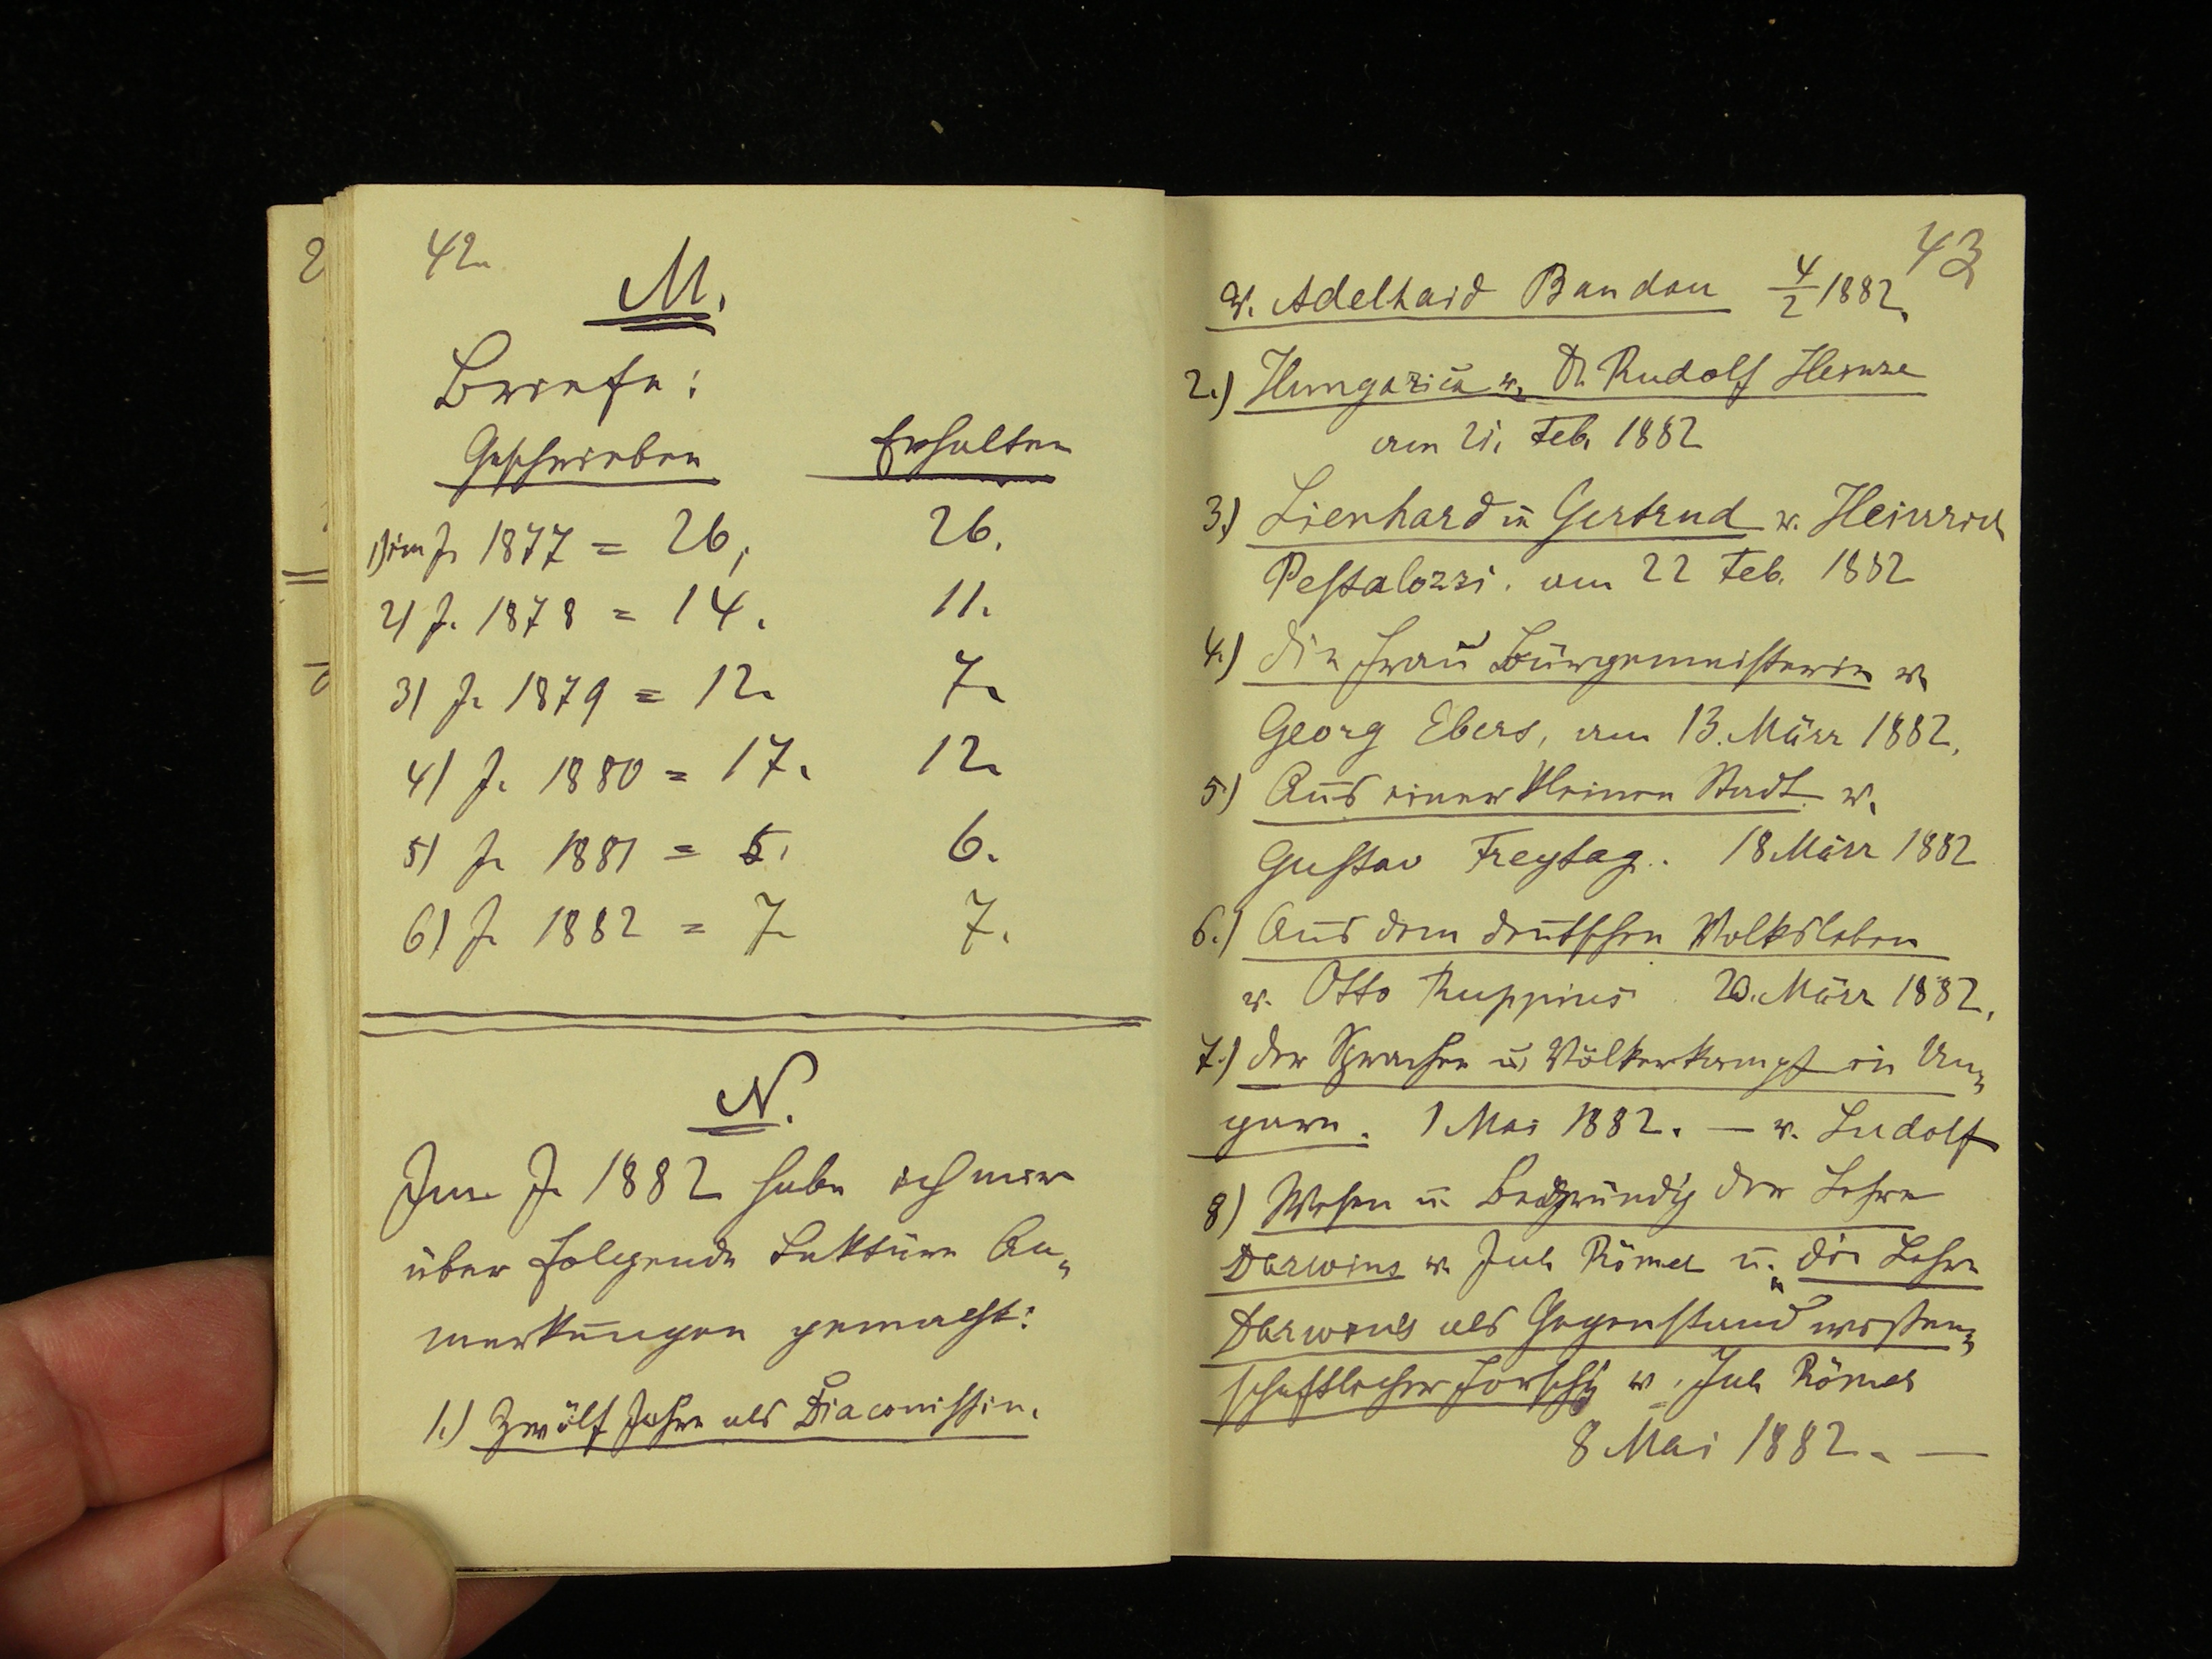42
M
Briefe
Geschrieben Erhalten
1.) Im Jahre 1877 = 26 26
2.) * 1878 = 14 11
3.) * 1879 = 12 7
4.) * 1880 = 17 12
5.) * 1881 = 5 6
6.) * 1882 = 7 7
N
Im Jahre 1882 habe ich mir
über folgende Lektüren An¬
merkungen gemacht:
1.) Zwölf Jahre als Diakonissin
43
von Adelheid Bandon 4/2 1882
2.) Hungarica von Dr. Rudolf Heinze
am 21. Febr. 1882
3.) Lienhard und Gertrud von Heinrich
Pestalozzi am 22. Febr. 1882
4.) Die Frau Bürgermeisterin von
Georg Ebers am 13. März 1882
5.) Aus einer kleinen Stadt von
Gustav Freytag am 18. März 1882
6.) Aus dem deutschen Volksleben
von Otto Ruppius am 20 März 1882
7.) Die Sprachen und Völkerkampf in Un¬
garn von Ludolf am 1 Mai 1882
8.) Wesen u. Begründung der Lehre
Darwins von Jul. Römer und die Lehre
Darwins als Gegenstand wissen¬
schaftlicher Forschung v. Jul Römer
8 Mai 1882